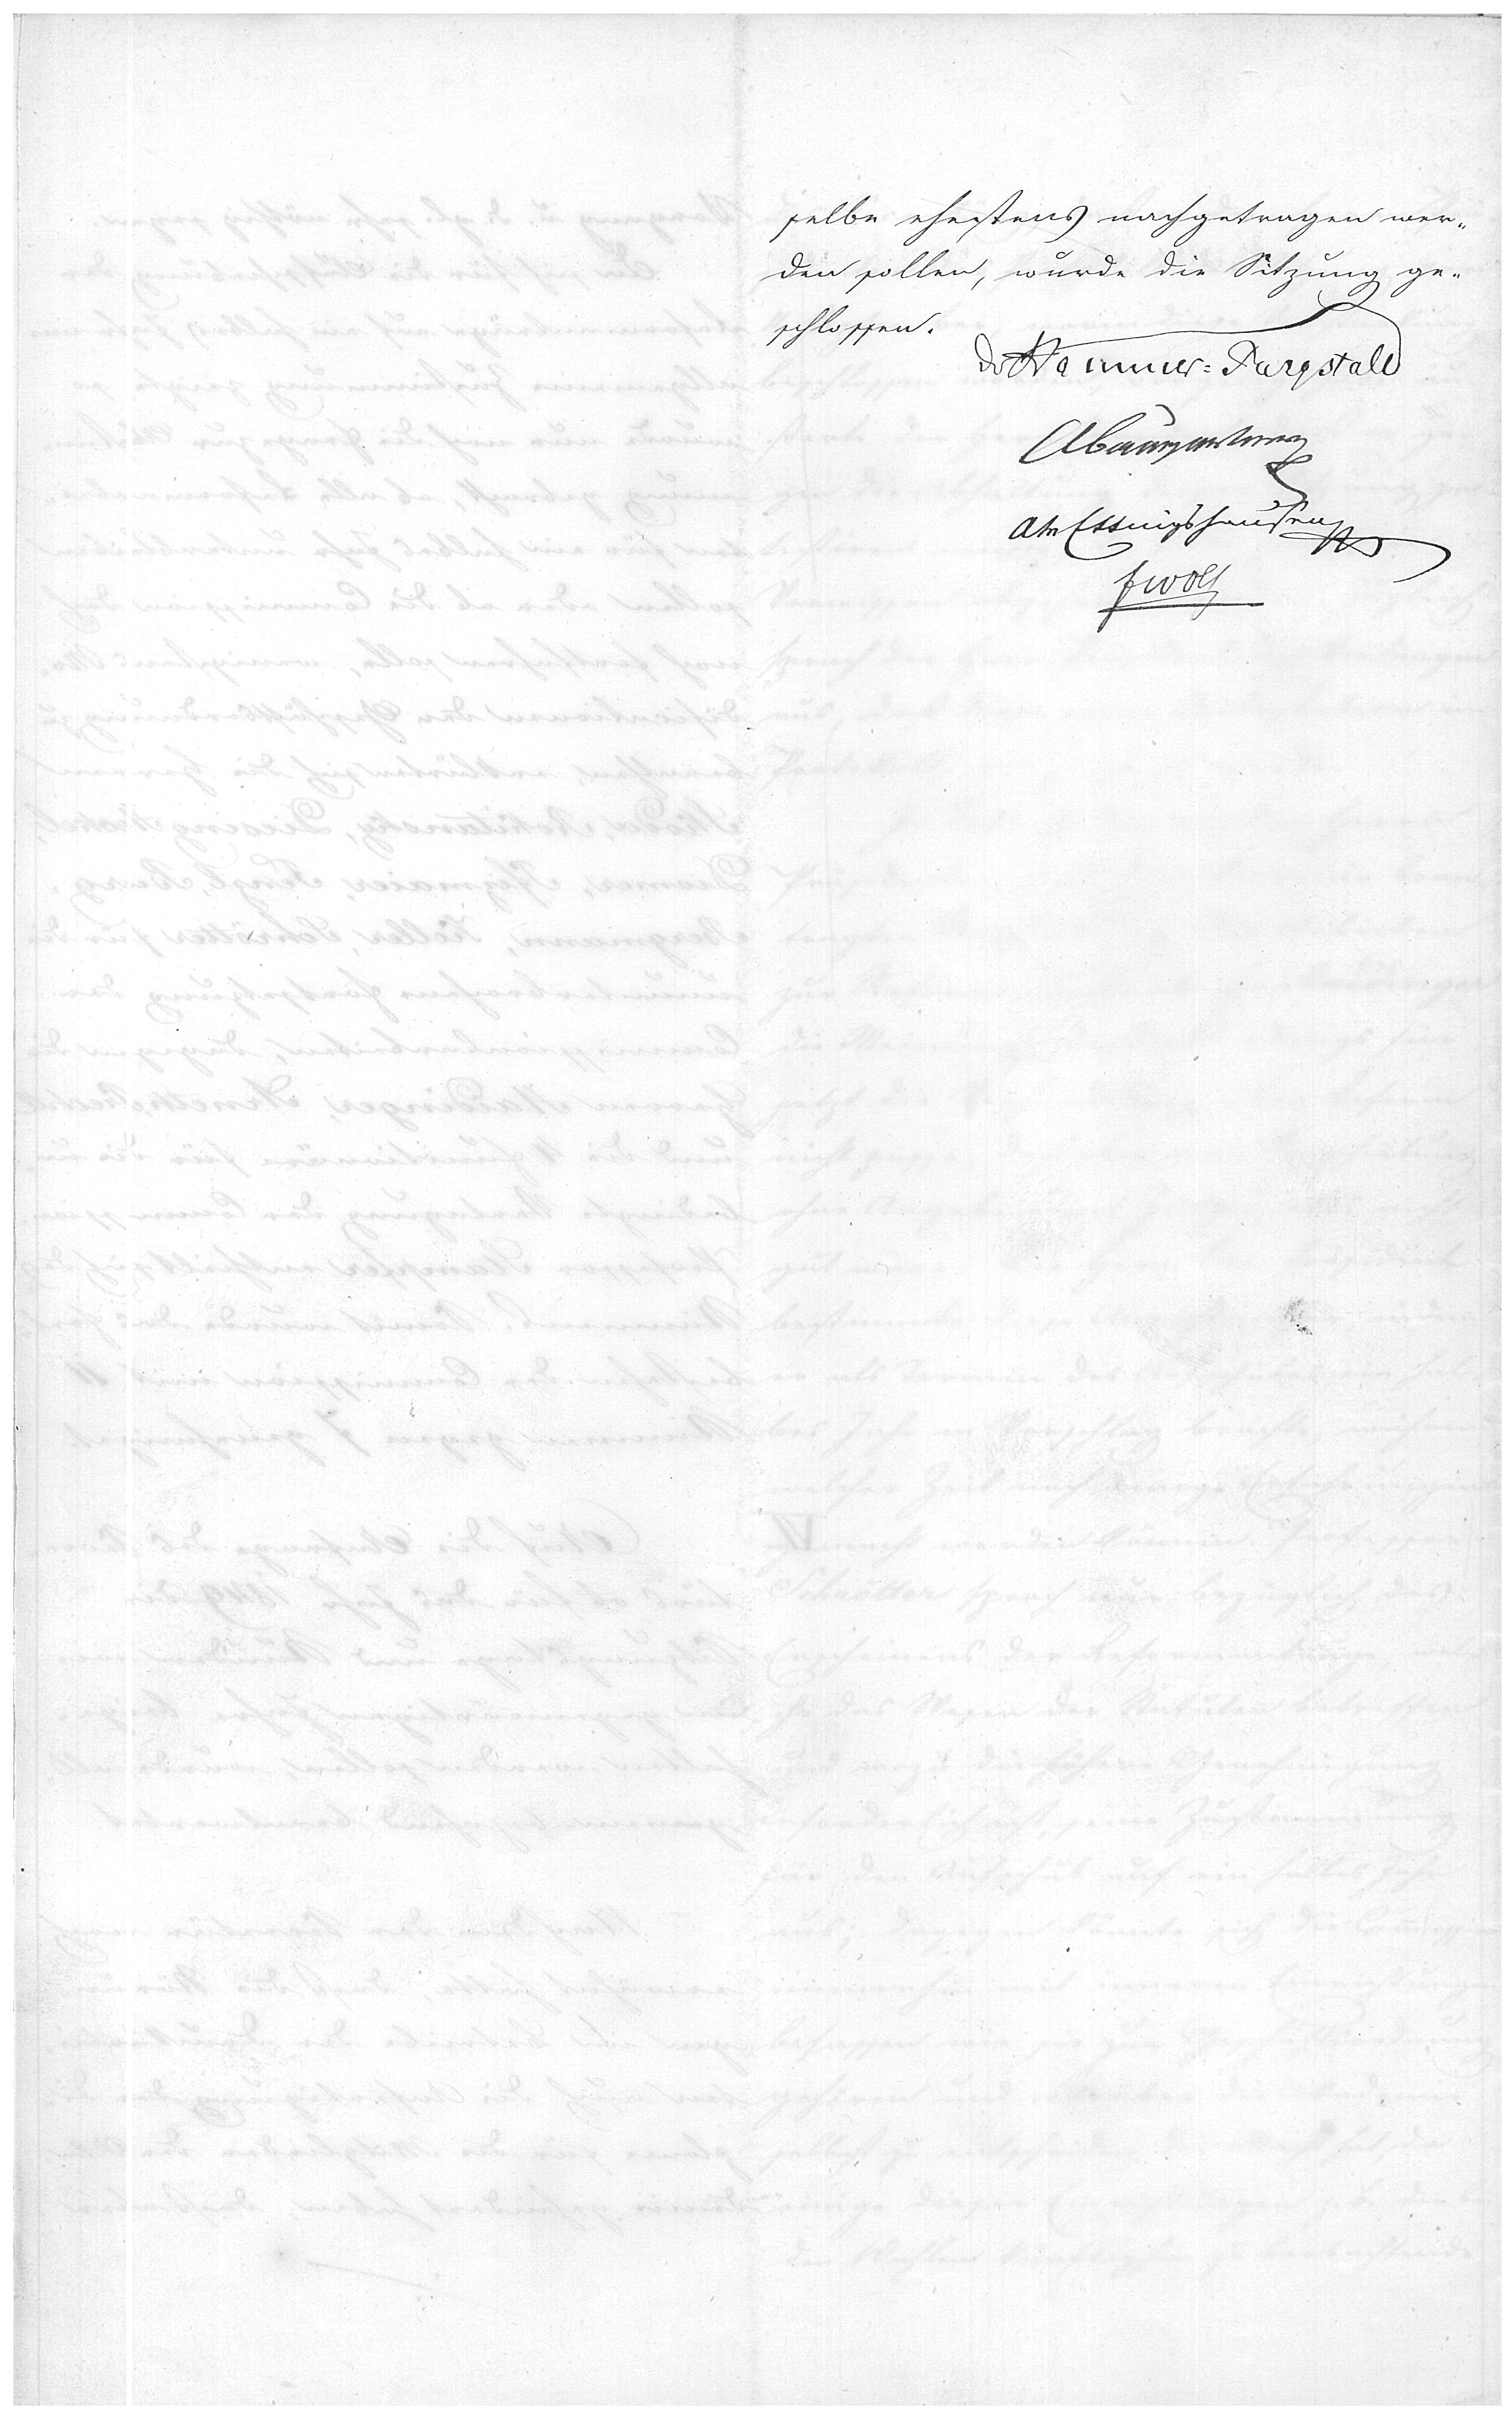selbe ehestens nachgetragen wer-
den sollen, wurde die Sitzung ge-
schlossen.
Dr Hammer=Purgstall
ABaumgartner
AvEttingshausen
FWolf